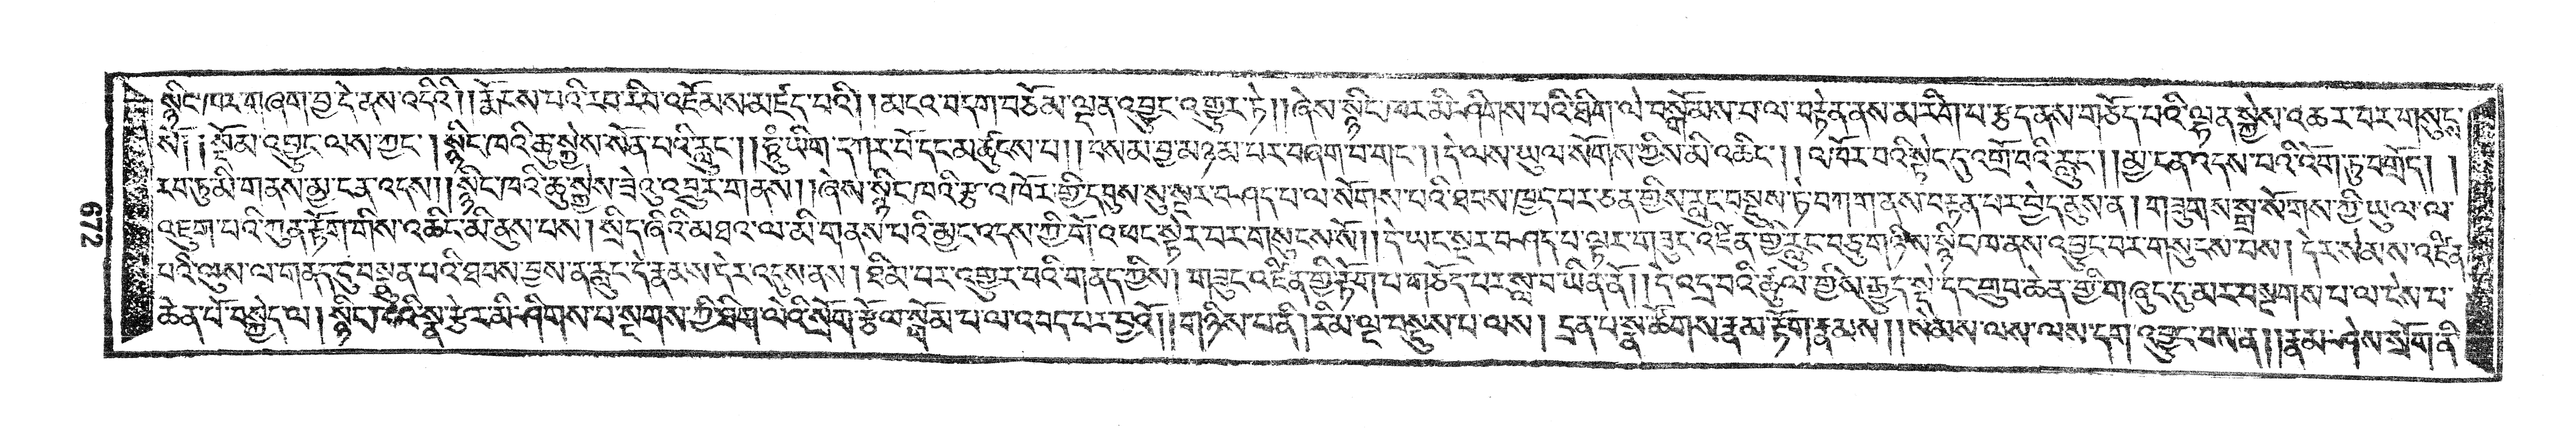སྙིང་ཁར་གཞག་བྱ་དེ་ནས་འདིའི། །རྨོངས་པའི་རབ་རིབ་འཇོམས་མཛད་པའི། །མངའ་བདག་བཅོམ་ལྡན་འབྱུང་འགྱུར་ཏེ། །ཞེས་སྙིང་ཁར་མི་ཤིགས་པའི་ཐིག་ལེ་བསྒོམས་པ་ལ་བརྟེན་ནས་མ་རིག་པ་རྩད་ནས་གཅོད་པའི་ལྷན་སྐྱེས་འཆར་བར་གསུངས་
སོ༑ ༑སྡོམ་འབྱུང་ལས་ཀྱང་།སྙིང་ཁའི་ཆུ་སྐྱེས་སོན་པའི་རླུང་། །ཧཱུཾ་ཡིག་དཀར་པོ་དང་མཚུངས་པ། །བསམ་བྱ་མཉམ་པར་བཞག་པ་གང་། །དེ་ལས་ཡུལ་སོགས་ཀྱིས་མི་འཆིང་། །འཁོར་བའི་སྟེང་དུ་འགྲོ་བའི་རླུང་། མྱ་ངན་འདས་པའི་འོག་ཏུ་བགྲོད། །
རབ་ཏུ་མི་གནས་མྱ་ངན་འདས། །སྙིང་ཁའི་ཆུ་སྐྱེས་ཟེའུ་འབྲུར་གནས། །ཞེས་སྙིང་ཁའི་རྩ་འཁོར་གྱི་དབུས་སུ་སྔར་བཤད་པ་ལ་སོགས་པའི་ཐབས་ཁྱད་པར་ཅན་གྱིས་རླུང་བསྡུས་ཏེ་བཀག་ནས་བརྟན་པར་བྱེད་ནུས་ན། གཟུགས་སྒྲ་སོགས་ཀྱི་ཡུལ་ལ་
འཇུག་པའི་ཀུན་རྟོག་གིས་འཆིང་མི་ནུས་པས། སྲིད་ཞིའི་མཐའ་ལ་མི་གནས་པའི་མྱང་འདས་ཀྱི་གོ་འཕང་སྟེར་བར་གསུངས་སོ། །དེ་ཡང་སྔར་བཤད་པ་ལྟར་གཟུང་འཛིན་གྱི་རླུང་བཅུ་གཉིས་སྙིང་ཁ་ནས་འབྱུང་བར་གསུངས་པས། དེར་སེམས་འཛིན་
པའི་ལུས་ལ་གནད་དུ་བསྣུན་པའི་ཐབས་བྱས་ན་རླུང་དེ་རྣམས་དེར་འདུས་ནས། ཐིམ་པར་འགྱུར་བའི་གནད་ཀྱིས། གཟུང་འཛིན་གྱི་རྟོག་པ་གཅོད་པར་སླ་བ་ཡིན་ནོ། །དེ་འདྲ་བའི་ཚུལ་གྱིས་རྒྱུད་སྡེ་དང་གྲུབ་ཆེན་གྱི་གཞུང་དུ་མར་བསྔགས་པ་ལ་ངེས་པ་
ཆེན་པོ་བསྐྱེད་ལ། སྙིང་ཁའི་སྣ་རྩེར་མི་ཤིགས་པ་སྔགས་ཀྱི་ཐིག་ལེའི་སྲོག་རྩོལ་སྒོམ་པ་ལ་འབད་པར་བྱའོ། །གཉིས་པ་ནི། རིམ་ལྔ་བསྡུས་པ་ལས། དྲན་པ་སྣ་ཚོགས་རྣམ་རྟོག་རྣམས། །སེམས་ལས་ལས་དག་འབྱུང་བས་ན། །རྣམ་ཤེས་སྲོག་ནི་